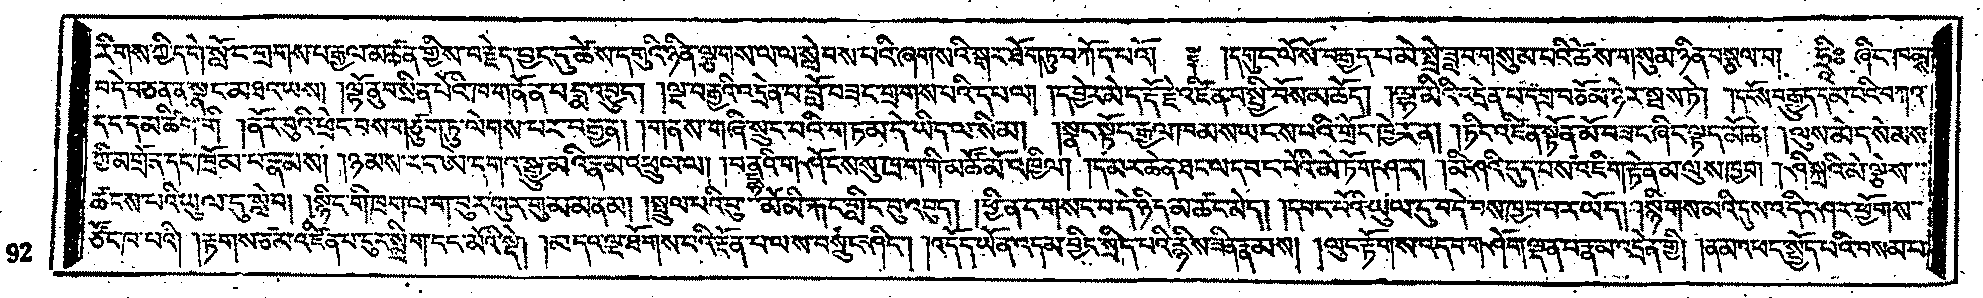རིགས་ཀྱི་དགེ་སློང་གྲགས་པ་རྒྱལ་མཚན་གྱིས་བརྗེད་བྱང་དུ་ཚེས་དགུའི་ཉིན་ལྕགས་ལ་ལ་སླེབས་པའི་ཞག་སའི་སྒར་ཐོག་ཏུ་བཀོད་པའོ། ༈ །དགུང་ལོ་སོ་བརྒྱད་པ་མེ་སྤྲེ་ཟླ་བ་གསུམ་པའི་ཚེས་གསུམ་ཉིན་བསྩལ་བ། ཧྲཱིཿ ཞིང་ཁམས་
བདེ་བ་ཅན་ན་སྣང་མཐའ་ཡས། །ལྷོ་ནུབ་སྲིན་པོའི་ཁ་གནོན་པདམ་འབྱུང་། །ལྔ་བརྒྱའི་འདྲེན་པ་བློ་བཟང་གྲགས་པའི་དཔལ། །དབྱེར་མེད་རྡོ་རྗེ་འཛིན་པ་སྤྱི་བོས་མཆོད། །ལྷ་མིའི་འདྲེན་པ་དགྲ་བཅོམ་ཉེར་སྦས་ཏེ། །དངོས་བརྒྱུད་དམ་པའི་བཀའ་
དང་དམ་ཚིག་གི །ནོར་བུའི་ཕྲེང་བས་གཙུག་ཏུ་ལེགས་པར་བརྒྱན། །གནས་གཞི་སྲུང་བའི་གཏམ་དེ་ཡིད་ལ་སིམ། །སྣང་སྟོང་རྒྱལ་ཁམས་ཡངས་པའི་གྲོང་ཁྱེར་ན། །ཏིང་འཛིན་སྟོན་མོ་བཟང་ཞིང་ལྟད་མོ་ཆེ། །ལུས་མེད་སེམས་
ཀྱི་མགྲོན་དང་ཁྲོམ་པ་རྣམས། །ཉམས་རང་ཨ་དགའ་སྒྱུ་མའི་རྣམ་འཕྲུལ་ལ། །བནྡྷའི་གཤོངས་སུ་ཁྲག་གི་མཚོ་མོ་འཁྱིལ། །དམར་ཆེན་ཐང་ལ་དབང་པོའི་མེ་ཏོག་ཤར། །མི་ཤའི་དུད་པས་འཇིག་རྟེན་མ་ལུས་ཁྱབ། །ཤི་སྐྲའི་མེ་ལྕེས་
ཚངས་པའི་ཡུལ་དུ་སླེབ། །སྙིང་གི་ཁྲག་ལ་ག་བུར་གུར་གུམ་མནམ། །སྤྲུལ་པའི་བུ་མོ་མི་རྐང་གླིང་བུ་འབུད། །ཕྱི་ནང་གསང་བ་དེ་ཉིད་མ་ཚང་མེད། །དབང་པོའི་ཡུལ་དུ་བདེ་བས་ཁྱབ་པར་ཡོད། །སྙིགས་མའི་དུས་འདིར་ཤར་ཕྱོགས་
ཙོང་ཁ་པའི། །རྟགས་ཙམ་འཛིན་པ་ངུར་སྨྲིག་ངང་མོའི་སྡེ། །མདའ་ལྔ་ཐོགས་པའི་རྔོན་པ་ལས་བསྲུང་ཤིང་། །འདོད་ཡོན་འདམ་བྱིང་སྲིད་པའི་རྙིས་ཟིན་རྣམས། །ལུང་རྟོགས་འདབ་གཤོག་ལྡན་པ་རྣམས་འདྲེན་གྱི། །ནམ་འཕང་སྤྱོད་པའི་བསམ་པ་